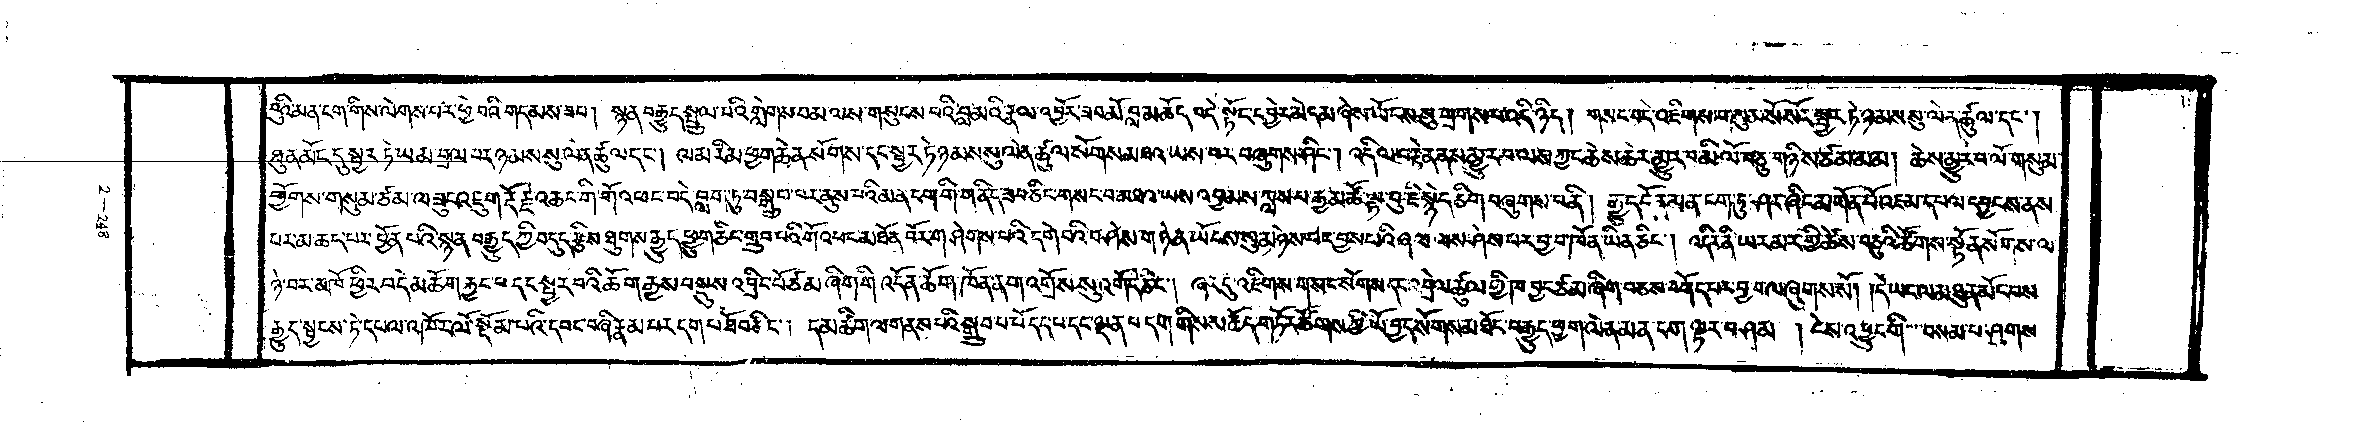བུའི་མན་ངག་གིས་ལེགས་པར་ཕྱེ་བའི་གདམས་ཟབ། སྙན་བརྒྱུད་སྤྲུལ་པའི་གླེགས་བམ་ལས་གསུངས་པའི་བླ་མའི་རྣལ་འབྱོར་ཟབ་མོ་བླ་མཆོད་བདེ་སྟོང་དབྱེར་མེད་མ་ཞེས་ཡོངས་སུ་གྲགས་པ་འདི་ཉིད། གསང་བ་དེ་འཇིགས་གསུམ་སོ་སོར་སྦྱར་ཏེ་ཉམས་སུ་ལེན་ཚུལ་དང་།
ཐུན་མོང་དུ་སྦྱར་ཏེ་ཡ་མ་བྲལ་བར་ཉམས་སུ་ལེན་ཚུལ་དང་། ལམ་རིམ་ཕྱག་ཆེན་སོགས་དང་སྦྱར་ཏེ་ཉམས་སུ་ལེན་ཚུལ་སོགས་མཐའ་ཡས་བར་བཞུགས་ཤིང་། འདི་ལ་བརྟེན་ནས་མྱུར་བ་ལས་ཀྱང་ཆེས་ཆེར་མྱུར་བ་མི་ལོ་བཅུ་གཉིས་ཙམ་མམ། ཆེས་མྱུར་བ་ལོ་གསུམ་
ཕྱོགས་གསུམ་ཙམ་ལ་ཟུང་འཇུག་རྡོ་རྗེ་འཆང་གི་གོ་འཕང་བདེ་བླག་ཏུ་བསྒྲུབ་པར་ནུས་པའི་མན་ངག་གི་གཉིད་ཟབ་ཅིང་གསང་པ་མཐའ་ཡས་འབྱམས་ཀླས་པ་རྒྱ་མཚོ་ལྟ་བུ་ཇི་སྙེད་ཅིག་བཞུགས་པ་ནི། རྒྱུད་དོན་མན་ངག་ཏུ་ཤར་ཞིང་མགོན་པོ་འཇམ་དཔལ་དབྱངས་ནས་
བར་མ་ཆད་པར་བྱོན་པའི་སྙན་བརྒྱུད་ཀྱི་བདུད་རྩིས་ཐུགས་རྒྱུད་ཕྱུག་ཅིང་གྲུབ་པའི་གོ་འཕང་མཐོན་པོར་གཤེགས་པའི་དགེ་བའི་བཤེས་གཉེན་ཡོངས་སུ་མཉེས་པར་བྱས་པའི་ཞལ་ལས་ཤེས་པར་བྱ་བ་ཁོ་ན་ཡིན་ཆིང་། འདིར་ནི་ཡར་མར་གྱི་ཚེས་བཅུའི་ཚོགས་སྟོན་སོགས་ལ་
ཉེ་བར་མཁོ་ཕྱིར་བདེ་མཆོག་རྐྱང་པ་དང་སྦྱར་བའི་ཆོག་རྒྱས་བསྡུས་འབྲིང་པོ་ཙམ་ཞིག་གི་འདོན་ཆོག་ཁོན་ནག་འགྲོས་སུ་འགོད་ཅིང་། ཞར་དུ་འཇིགས་གསང་སོགས་དང་འབྲེལ་ཚུལ་གྱི་ཁ་བྱང་ཙམ་ཞིག་བཅས་བགོད་པར་བྱ་བ་ལ་ཞུགས་སོ། །དེ་ཡང་ལ་མཐུན་མོང་བས་
རྒྱུད་སྦྱངས་ཏེ་དཔལ་འཁོར་ལོ་སྡོམ་པའི་དབང་བཞི་རྣམ་པར་དག་པ་ཐོབ་ཅིང་། དམ་ཚིག་ལ་གནས་པའི་སྒྲུབ་པ་པོ་དད་པ་དང་ལྡན་པ་དག་གིས་མཆོད་གཏོར་ཚོགས་ཀྱི་ཡོ་བྱད་སོགས་མཐོང་བརྒྱུད་ཕྱག་ལེན་མན་ངག་ལྟར་བཤམ་།ངེས་འབྱུང་གིས་བསམ་པ་ཤུགས་